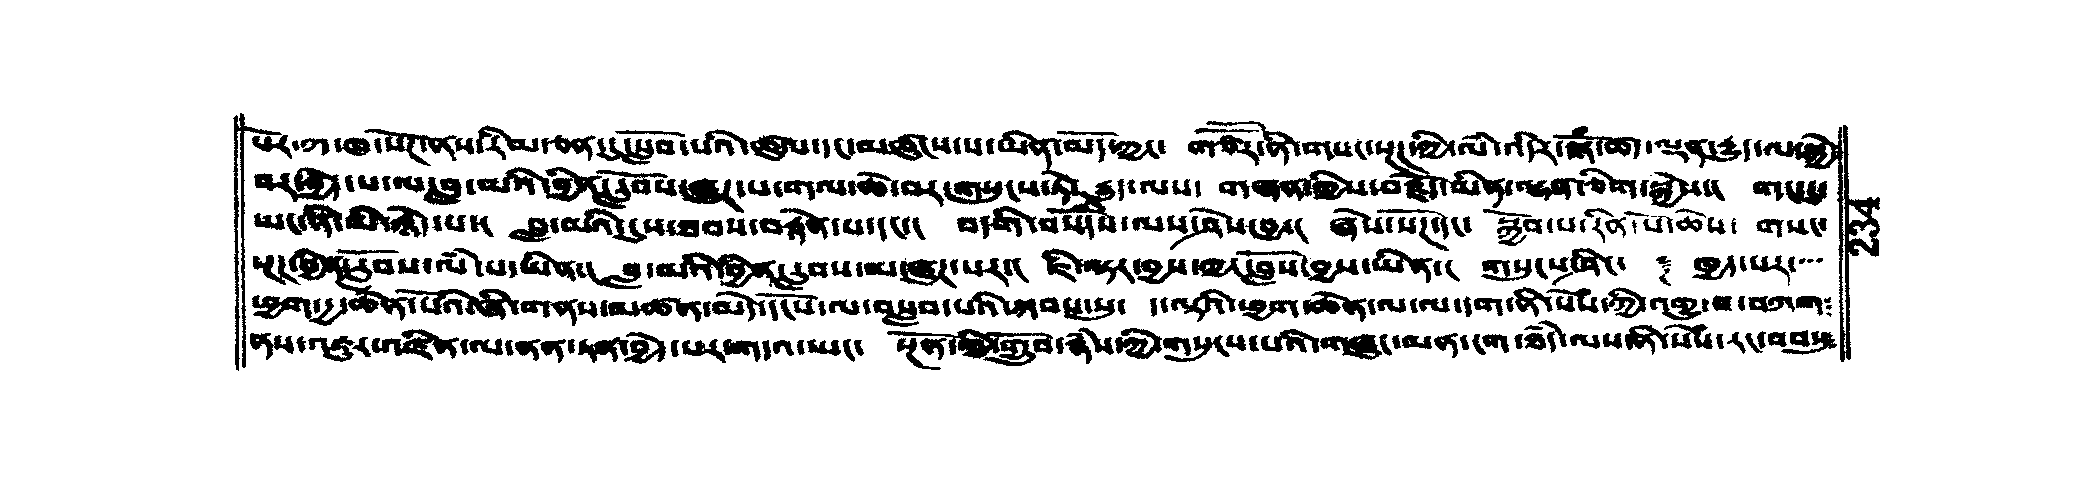པོར་ཀ་ཁ་སོགས་ནས་རིམ་ཅན་དུ་སློབ་པའི་ཚུལ་དང་མཚུངས་པ་ཡིན་མོད་ཀྱང་། གཙོ་བོར་ནི་གསང་སྔགས་ཀྱི་ལམ་འདིར་སྒོམ་ཚད་ལྡན་རྒྱུད་ལ་སྐྱེ་
བར་བྱེད་པ་ལ་བླ་མའི་བྱིན་རླབས་ཞུགས་པ་གལ་ཆེ་བར་གསུངས་ཏེ། རྒྱུད་ལས། གཞན་གྱིས་བརྗོད་མིན་ལྷན་ཅིག་སྐྱེས། །གང་དུ་
ཡང་ནི་མི་རྙེད་པ། །བླ་མའི་དུས་ཐབས་བརྟེན་པ་དང་། །བདག་གི་བསོད་ནམས་ལས་ཤེས་བྱ། ཞེས་སོགས་དང་། སྐྱོབ་པ་རིན་པོ་ཆེས། གསང་
སྔགས་བྱིན་རླབས་ལམ་པ་ཡིན། །བླ་མའི་བྱིན་རླབས་མ་ཞུགས་པར། །ཇི་ལྟར་བྱས་ཀྱང་བློས་བྱས་ཡིན། གསུངས་ཤིང་། ༈ ཁྱད་པར་
ཕྱག་རྒྱ་ཆེན་པོའི་ཞི་གནས་མཚན་མེད་དངོས་ལ་བསླབ་པའི་སྐབས་སུ། ད་ལྟའི་ཕྱག་ཆེན་ལ་ལ་དག་ནི་སེམས་ཀྱི་འགྱུ་བ་བཀག་
ནས་འཇུར་འཛིན་ལ་ནན་ཏན་བྱེད་པར་གདའ་ཡང་། སྔོན་གྱི་གྲུབ་ཐོབ་རྣམས་ཀྱི་གསུངས་པའི་གཞུང་མན་ངག་ཐམས་ཅད་ལས་ནི་སེམས་རང་བབས་སུ་